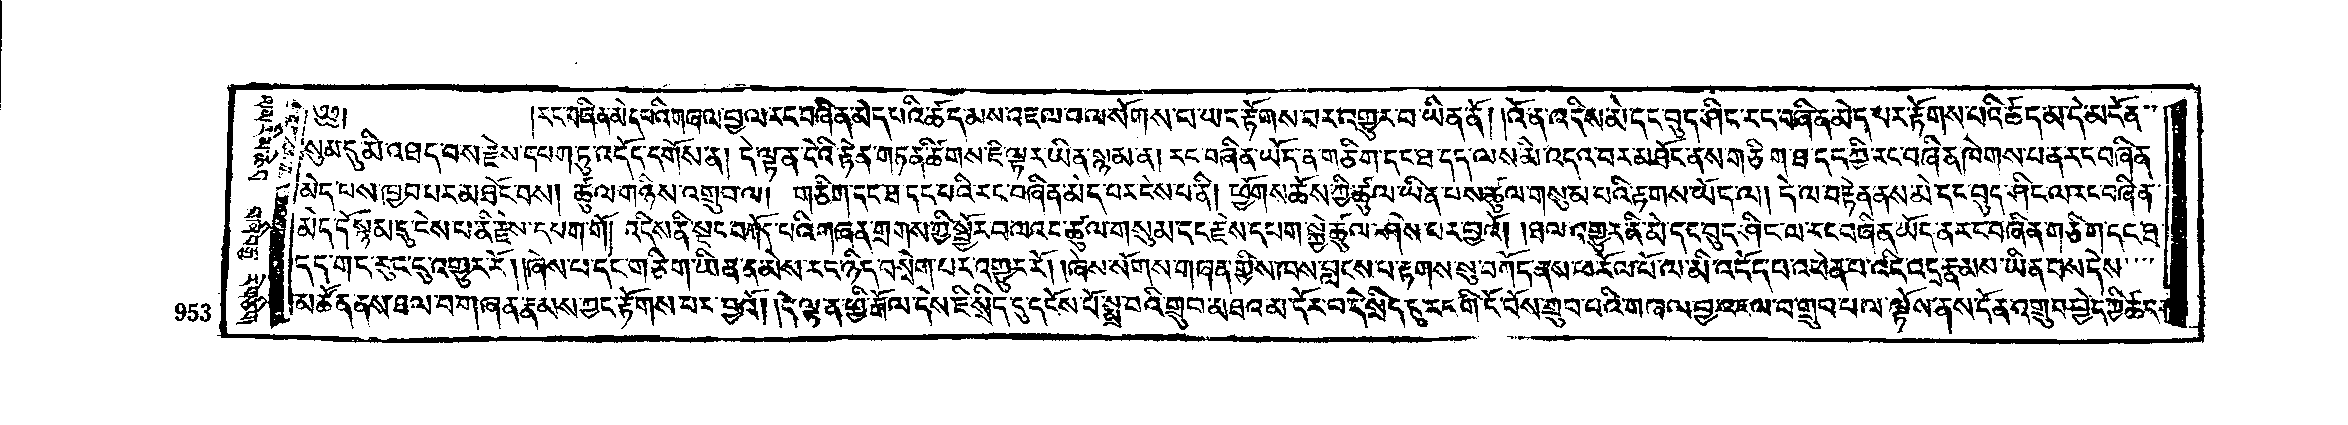༄༅། །རང་བཞིན་མེད་པའི་གཞལ་བྱ་ལ་རང་བཞིན་མེད་པའི་ཚད་མས་འཇལ་བ་ལ་སོགས་པ་ཡང་རྟོགས་པར་འགྱུར་བ་ཡིན་ནོ། །འོ་ན་འདིས་མེ་དང་བུད་ཤིང་རང་བཞིན་མེད་པར་རྟོགས་པའི་ཚད་མ་དེ་མངོན་
སུམ་དུ་མི་འཐད་པས་རྗེས་དཔག་ཏུ་འདོད་དགོས་ན། དེ་ལྟ་ན་དེའི་རྟེན་གཏན་ཚིགས་ཇི་ལྟར་ཡིན་སྙམ་ན། རང་བཞིན་ཡོད་ན་གཅིག་དང་ཐ་དད་ལས་མི་འདའ་བར་མཐོང་ནས་གཅིག་ཐ་དད་ཀྱི་རང་བཞིན་ཁེགས་པ་ན་རང་བཞིན་
མེད་པས་ཁྱབ་པར་མཐོང་བས། ཚུལ་གཉིས་འགྲུབ་ལ། གཅིག་དང་ཐ་དད་པའི་རང་བཞིན་མེད་པར་ངེས་པ་ནི། ཕྱོགས་ཆོས་ཀྱི་ཚུལ་ཡིན་པས་ཚུལ་གསུམ་པའི་རྟགས་ཡོད་ལ། དེ་ལ་བརྟེན་ནས་མེ་དང་བུད་ཤིང་ལ་རང་བཞིན་
མེད་དོ་སྙམ་དུ་ངེས་པ་ནི་རྗེས་དཔག་གོ ། །འདིས་ནི་སྔར་བཀོད་པའི་གཞན་གྲགས་ཀྱི་སྦྱོར་བ་ལའང་ཚུལ་གསུམ་དང་རྗེས་དཔག་སྐྱེ་ཚུལ་ཤེས་པར་བྱའོ། །ཐལ་འགྱུར་ནི་མེ་དང་བུད་ཤིང་ལ་རང་བཞིན་ཡོད་ན་རང་བཞིན་གཅིག་དང་ཐ་
དད་གང་རུང་དུ་འགྱུར་རོ། །ཞེས་པ་དང་གཅིག་ཡིན་ན་མེས་རང་ཉིད་བསྲེག་པར་འགྱུར་རོ། །ཞེས་སོགས་གཞན་གྱིས་ཁས་བླངས་པ་རྟགས་སུ་བཀོད་ནས་ཕ་རོལ་པོ་ལ་མི་འདོད་པ་འཕེན་པ་འདི་འདྲ་རྣམས་ཡིན་པས་དེས་
མཚོན་ནས་ཐལ་བ་གཞན་རྣམས་ཀྱང་རྟོགས་པར་བྱའོ། །དེ་ལྟ་ན་ཕྱི་རྒོལ་དེས་ཇི་སྲིད་དུ་དངོས་པོ་སྨྲ་བའི་གྲུབ་མཐའ་མ་དོར་བ་དེ་སྲིད་དུ་རང་གི་ངོ་བོས་གྲུབ་པའི་གཞལ་བྱ་འཇལ་བ་གྲུབ་པ་ལ་ལྟོས་ནས་དོན་འགྲུབ་བྱེད་ཀྱི་ཚད་